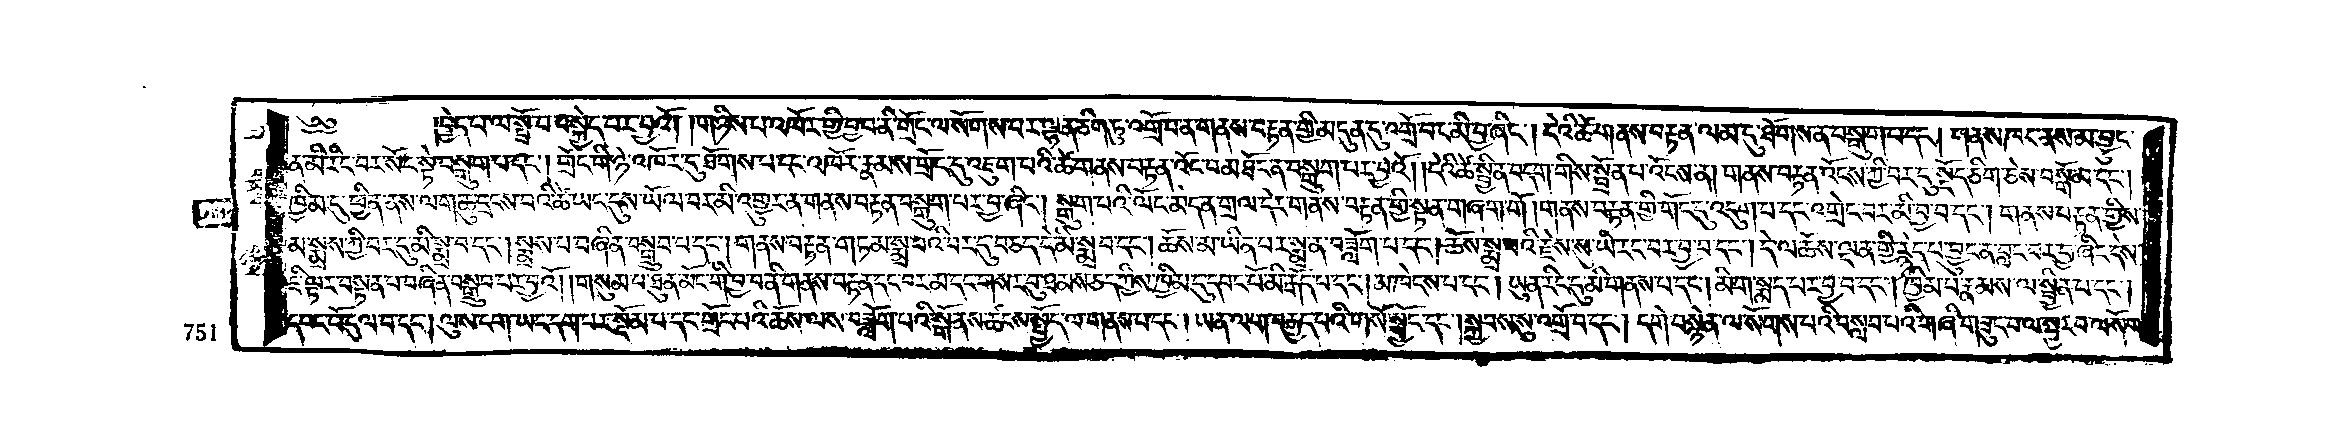༄༅། །བྱེད་པ་ལ་སྤྲོ་བ་བསྐྱེད་པར་བྱའོ། །གཉིས་པ་འཁོར་གྱི་བྱ་བ་ནི་གྲོང་ལ་སོགས་པར་ལྷན་ཅིག་ཏུ་འགྲོ་བ་ན་གནས་བརྟན་གྱི་མདུན་དུ་འགྲོ་བར་མི་བྱ་ཞིང་། དེའི་ཚེ་གནས་བརྟན་ལམ་དུ་ཐོགས་ན་བསྒུག་པ་དང་། གནས་ཁང་ནས་མ་བྱུང་
ན་མི་རིང་བར་སོང་སྟེ་བསྒུག་པ་དང་། གྲོང་གི་ཉེ་འཁོར་དུ་ཐོགས་པ་དང་འཁོར་རྣམས་གྲོང་དུ་འཇུག་པའི་ཚེ་གནས་བརྟན་འོང་བ་མཐོང་ན་བསྒུག་པར་བྱའོ། །དེའི་ཚེ་སྦྱིན་བདག་གིས་སྦྲོན་པ་འོངས་ན། གནས་བརྟན་འོངས་ཀྱི་བར་དུ་སྡོད་ཅིག་ཅེས་བསྒོམ་དང་།
ཁྱིམ་དུ་ཕྱིན་ནས་ལག་ཆུ་དྲངས་བའི་ཚེ་ཡང་དུས་ཡོལ་བར་མི་འགྱུར་ན་གནས་བརྟན་བསྒུག་པར་བྱ་ཞིང་། སྒུག་པའི་ལོང་མེད་ན་གྲལ་དེར་གནས་བརྟན་གྱི་སྟན་གཞག་གོ །གནས་བརྟན་གྱི་གོང་དུ་འདུག་པ་དང་འགྲེང་བར་མི་བྱ་བ་དང་། གནས་བརྟན་གྱིས་
མ་སྨྲས་ཀྱི་བར་དུ་མི་སྨྲ་བ་དང་། སྨྲས་པ་བཞིན་བསྒྲུབ་པ་དང་། གནས་བརྟན་གཏམ་སྨྲ་བའི་བར་དུ་བཅད་དེ་མི་སྨྲ་བ་དང་། ཆོས་མ་ཡིན་པར་སྨྲ་ན་བཟློག་པ་དང་། ཆོས་སྨྲ་བའི་རྗེས་སུ་ཡི་རང་བར་བྱ་བ་དང་། དེ་ལ་ཆོས་ལྡན་གྱི་རྙེད་པ་བྱུང་ན་བླང་བར་བྱ་ཞིང་དེས་
ཇི་ལྟར་བསྟན་པ་བཞིན་བསྒྲུབ་པར་བྱའོ། །གསུམ་པ་ཐུན་མོང་གི་བྱ་བ་ནི་གནས་བརྟན་དང་བར་མ་དང་གསར་བུ་ཐམས་ཅད་ཀྱིས་ཁྱིམ་དུ་དབང་པོ་མི་རྒོད་པ་དང་། མ་ཁེངས་པ་དང་། ཡུན་རིང་དུ་མི་གནས་པ་དང་། མིག་སྨད་པར་བྱ་བ་དང་། ཁྱིམ་པ་རྣམས་ལ་སྦྱིན་པ་དང་།
དབང་པོ་དུལ་བ་དང་། ལུས་ངག་ཡང་དག་པར་སྡོམ་པ་དང་གྲོང་པའི་ཆོས་ལས་བཟློག་པའི་སྒོ་ནས་ཚངས་སྤྱོད་ལ་གནས་པ་དང་། ཡན་ལག་བརྒྱད་པའི་གསོ་སྦྱོང་དང་། སྐྱབས་སུ་འགྲོ་བ་དང་། དགེ་བསྙེན་ལ་སོགས་པའི་བསླབ་པའི་གཞི་གཟུང་བ་ལ་སྦྱར་བ་ལ་སོག་